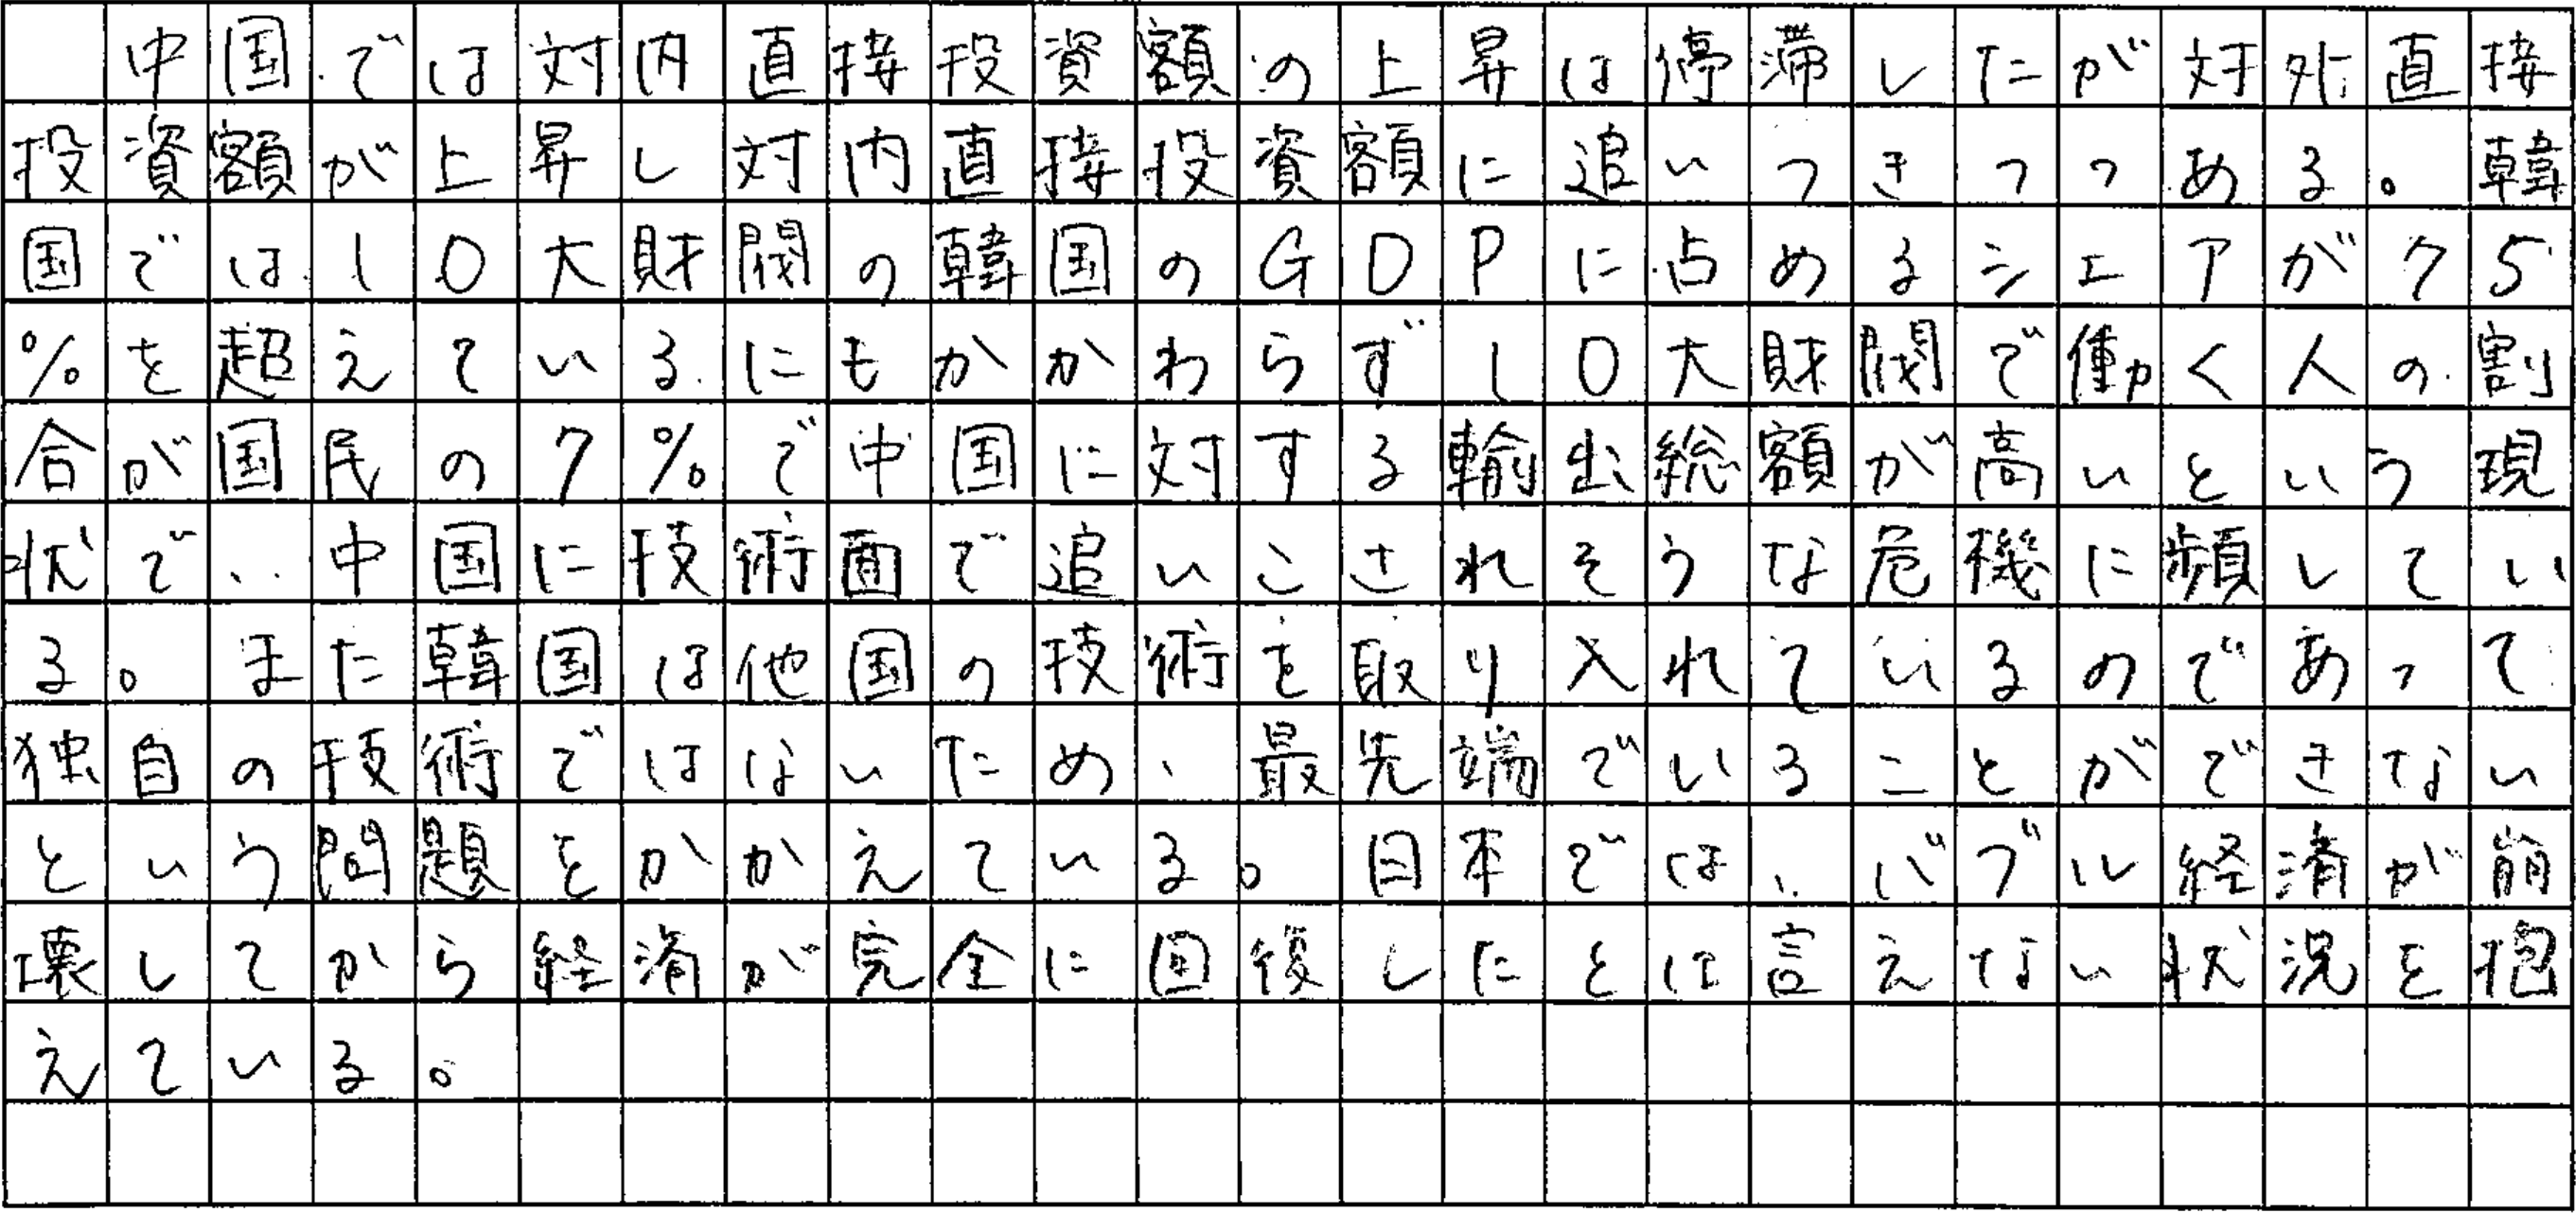　中国では対内直接投資額の上昇は停滞したが対外直接投資額が上昇し対内直接投資額に追いつきつつある。韓国では１０大財閥の韓国のＧＤＰに占めるシェアが７５％を超えているにもかかわらず１０大財閥で働く人の割合が国民の７％で中国に対する輸出総額が高いという現状で、中国に技術面で追いこされそうな危機に頻している。また韓国は他国の技術を取り入れているのであって独自の技術ではないため、最先端でいることができないという問題をかかえている。日本では、バブル経済が崩壊してから経済が完全に回復したとは言えない状況を抱えている。
